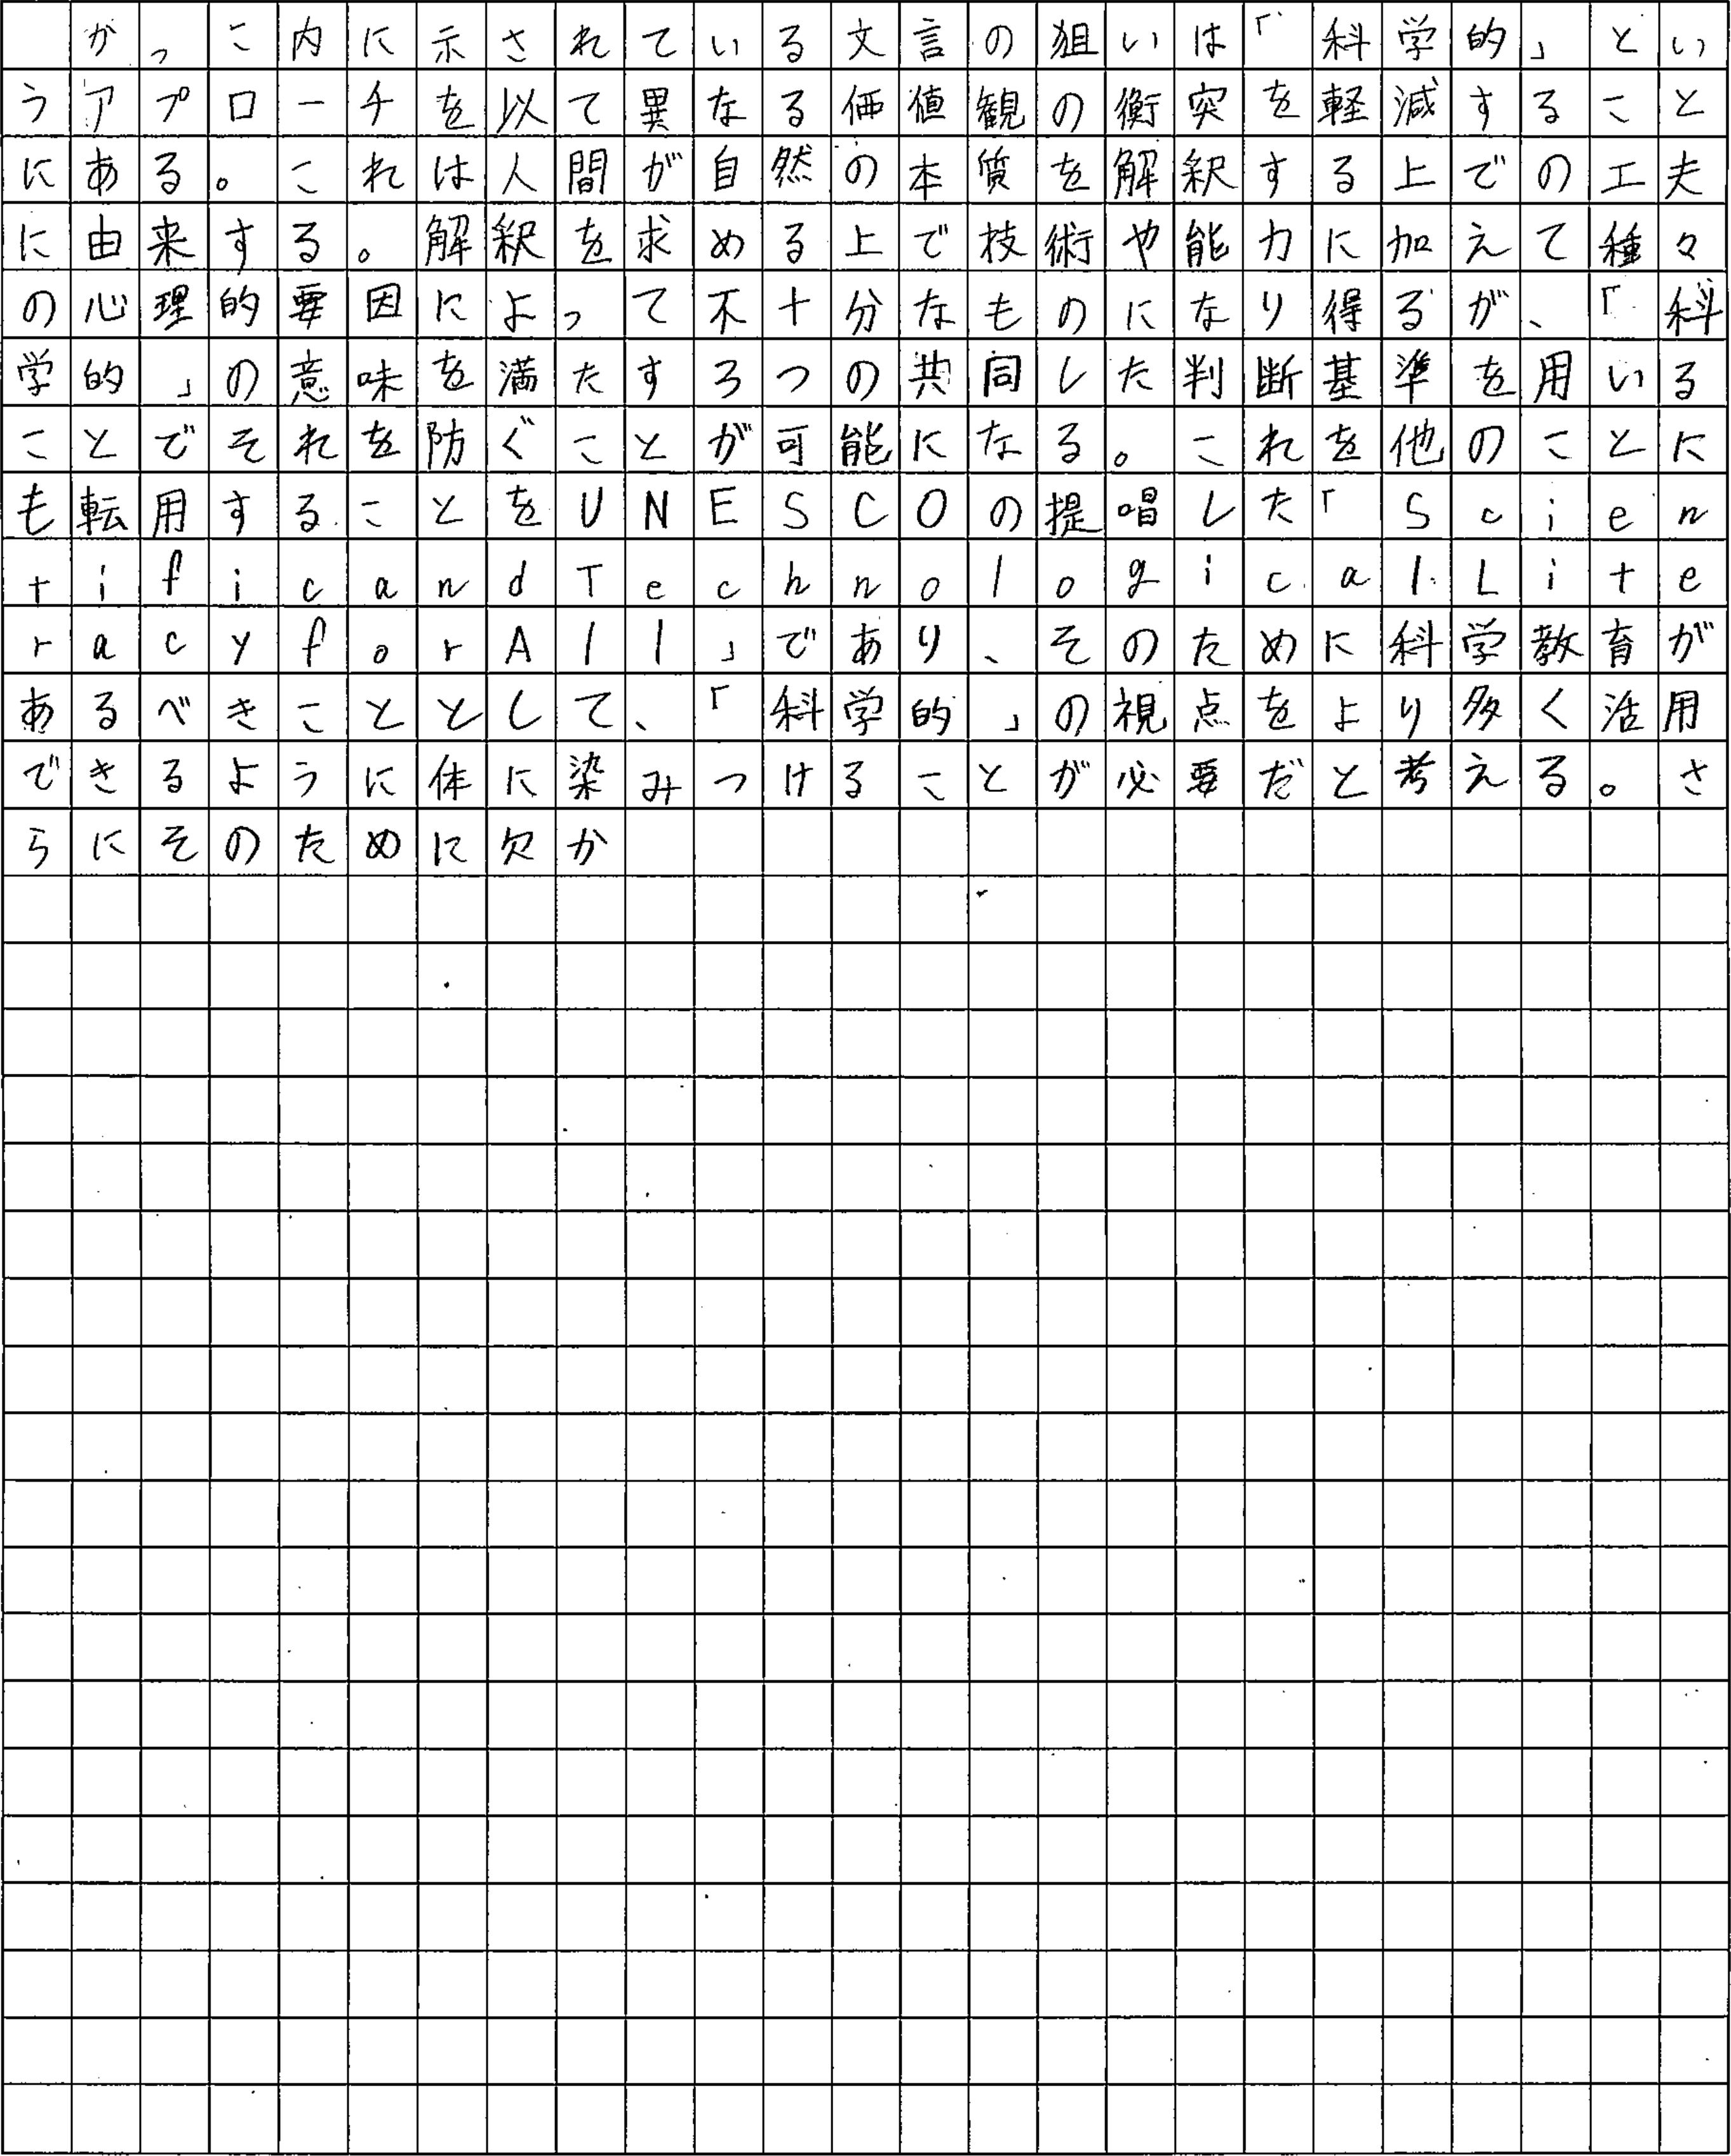　かっこ内に示されている文言の狙いは「科学的」というアプローチを以て異なる価値観の衡突を軽減することにある。これは人間が自然の本質を解釈する上での工夫に由来する。解釈を求める上で技術や能力に加えて種々の心理的要因によって不十分なものになり得るが、「科学的」の意味を満たす３つの共同した判断基準を用いることでそれを防ぐことが可能になる。これを他のことにも転用することをＵＮＥＳＣＯの提唱した「ＳｃｉｅｎｔｉｆｉｃａｎｄＴｅｃｈｎｏｌｏｇｉｃａｌＬｉｔｅｒａｃｙｆｏｒＡｌｌ」であり、そのために科学教育があるべきこととして、「科学的」の視点をより多く活用できるように体に染みつけることが必要だと考える。さらにそのために欠か
